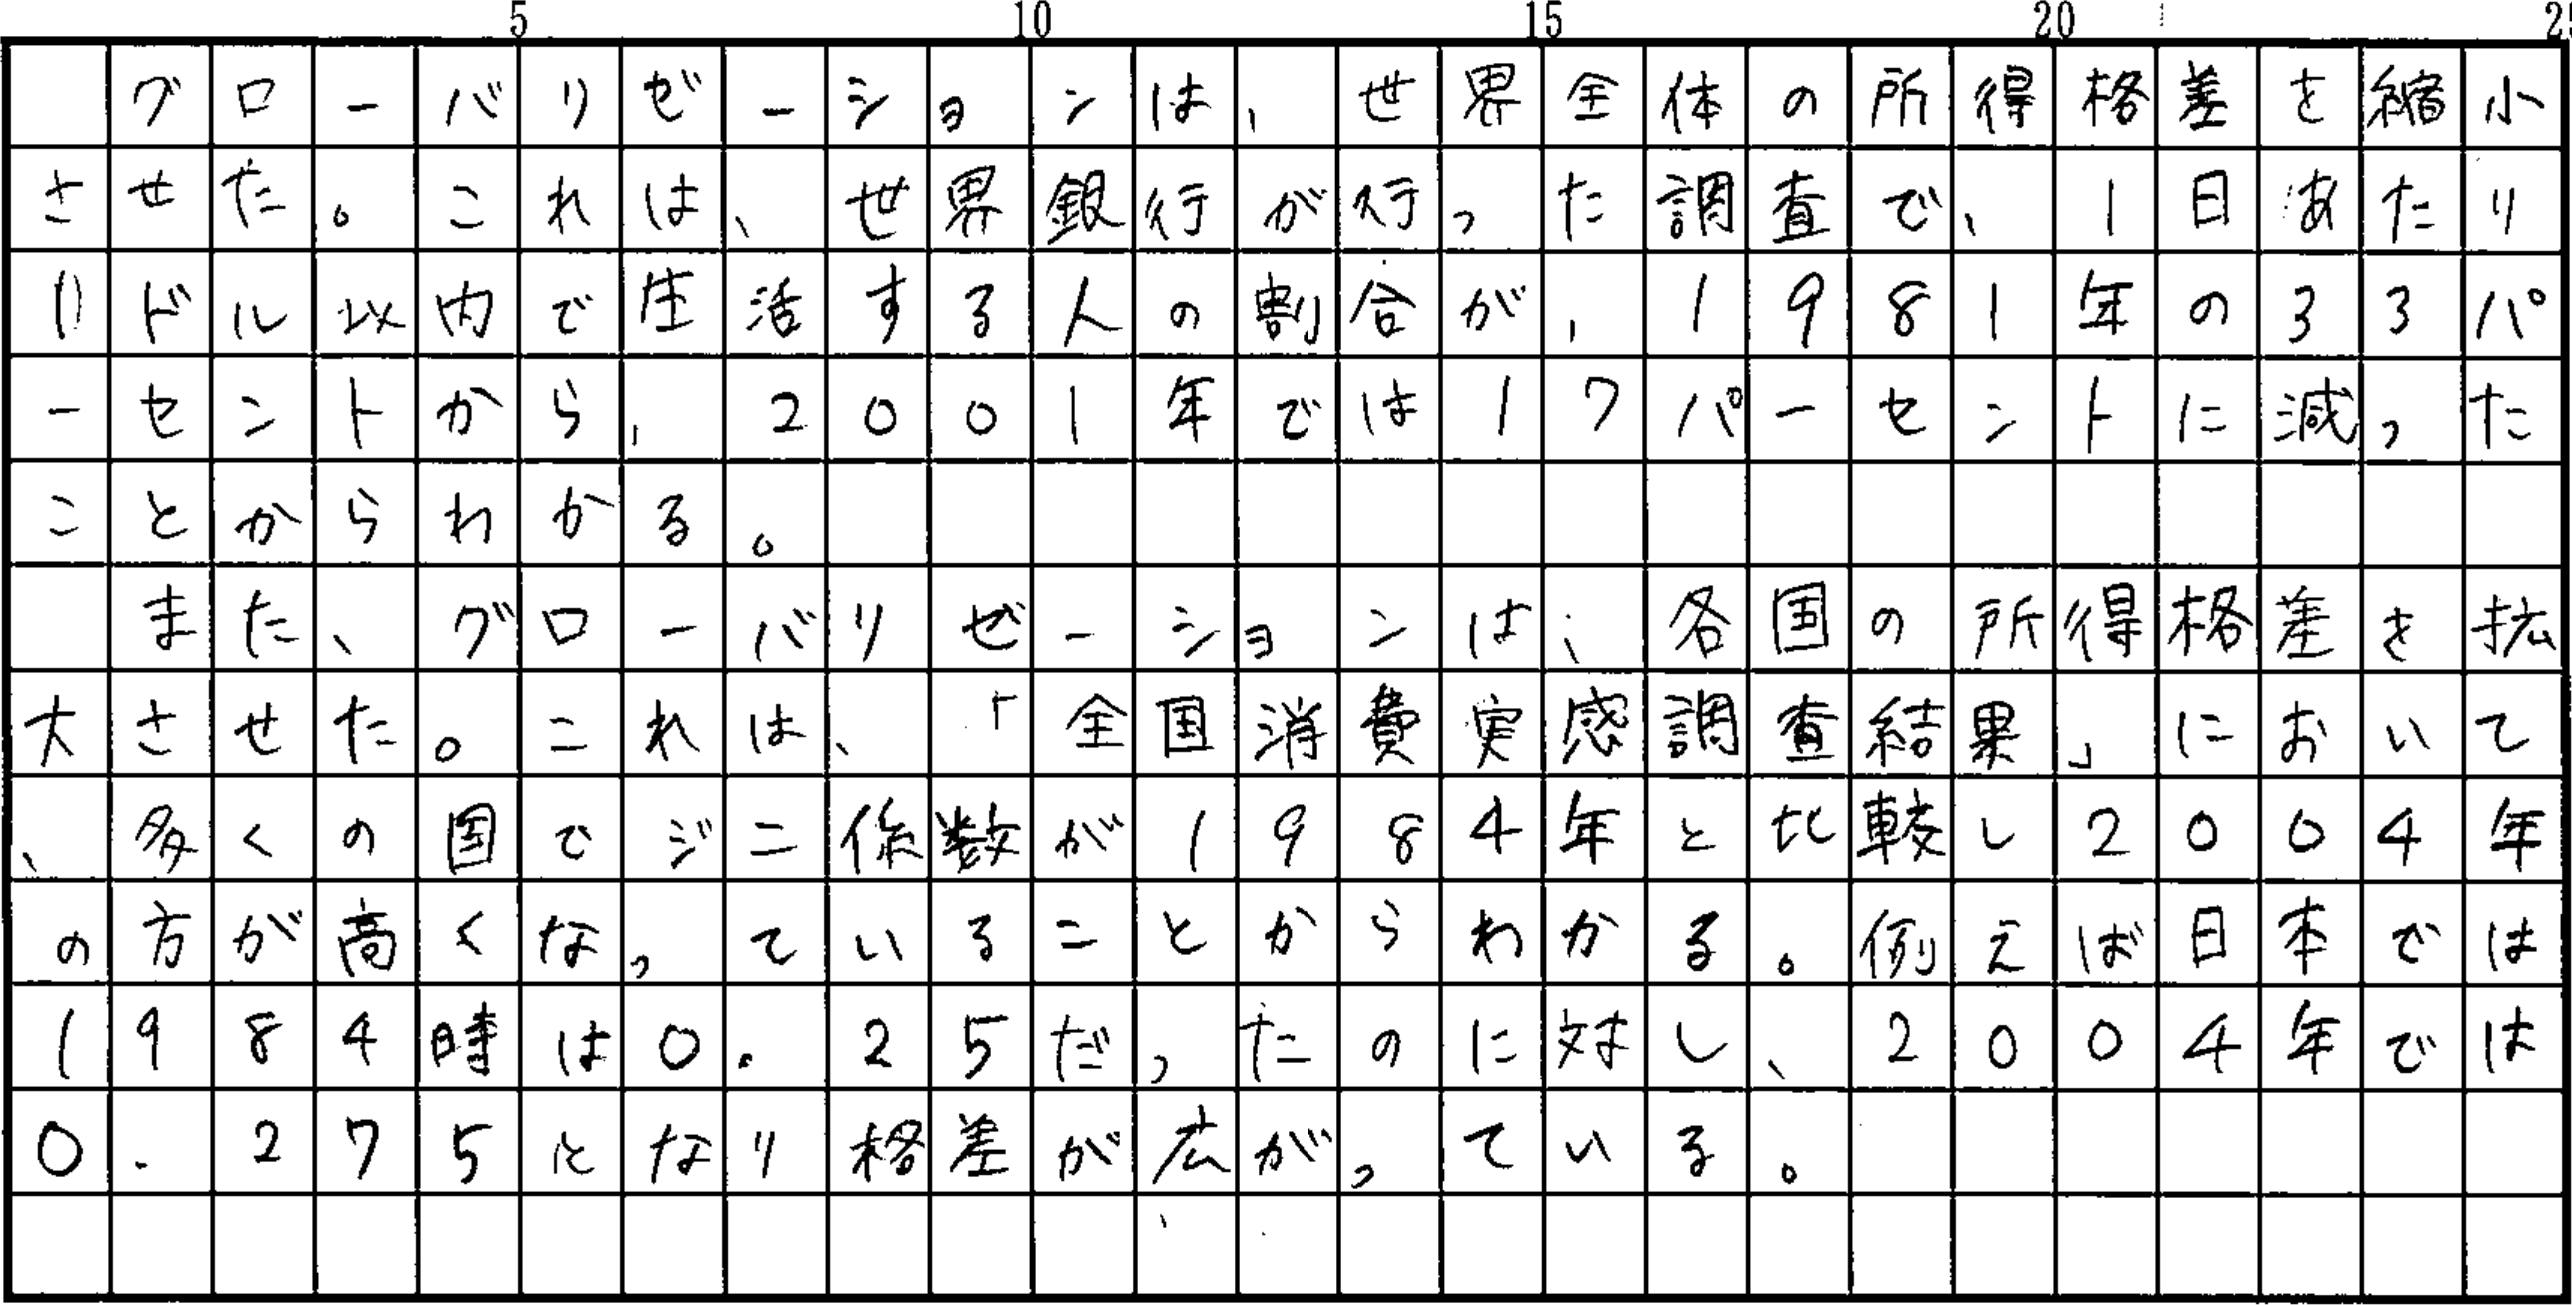　グローバリゼーションは、世界全体の所得格差を縮小させた。これは、世界銀行が行った調査で、１日あたり１ドル以内で生活する人の割合が、１９８１年の３３パーセントから、２００１年では１７パーセントに減ったことからわかる。
　また、グローバリゼーションは、各国の所得格差を拡大させた。これは、「全国消費実感調査結果」において、多くの国でジニ係数が１９８４年と比較し２００４年の方が高くなっていることからわかる。例えば日本では１９８４時は０．２５だったのに対し、２００４年では０．２７５となり格差が広がっている。
